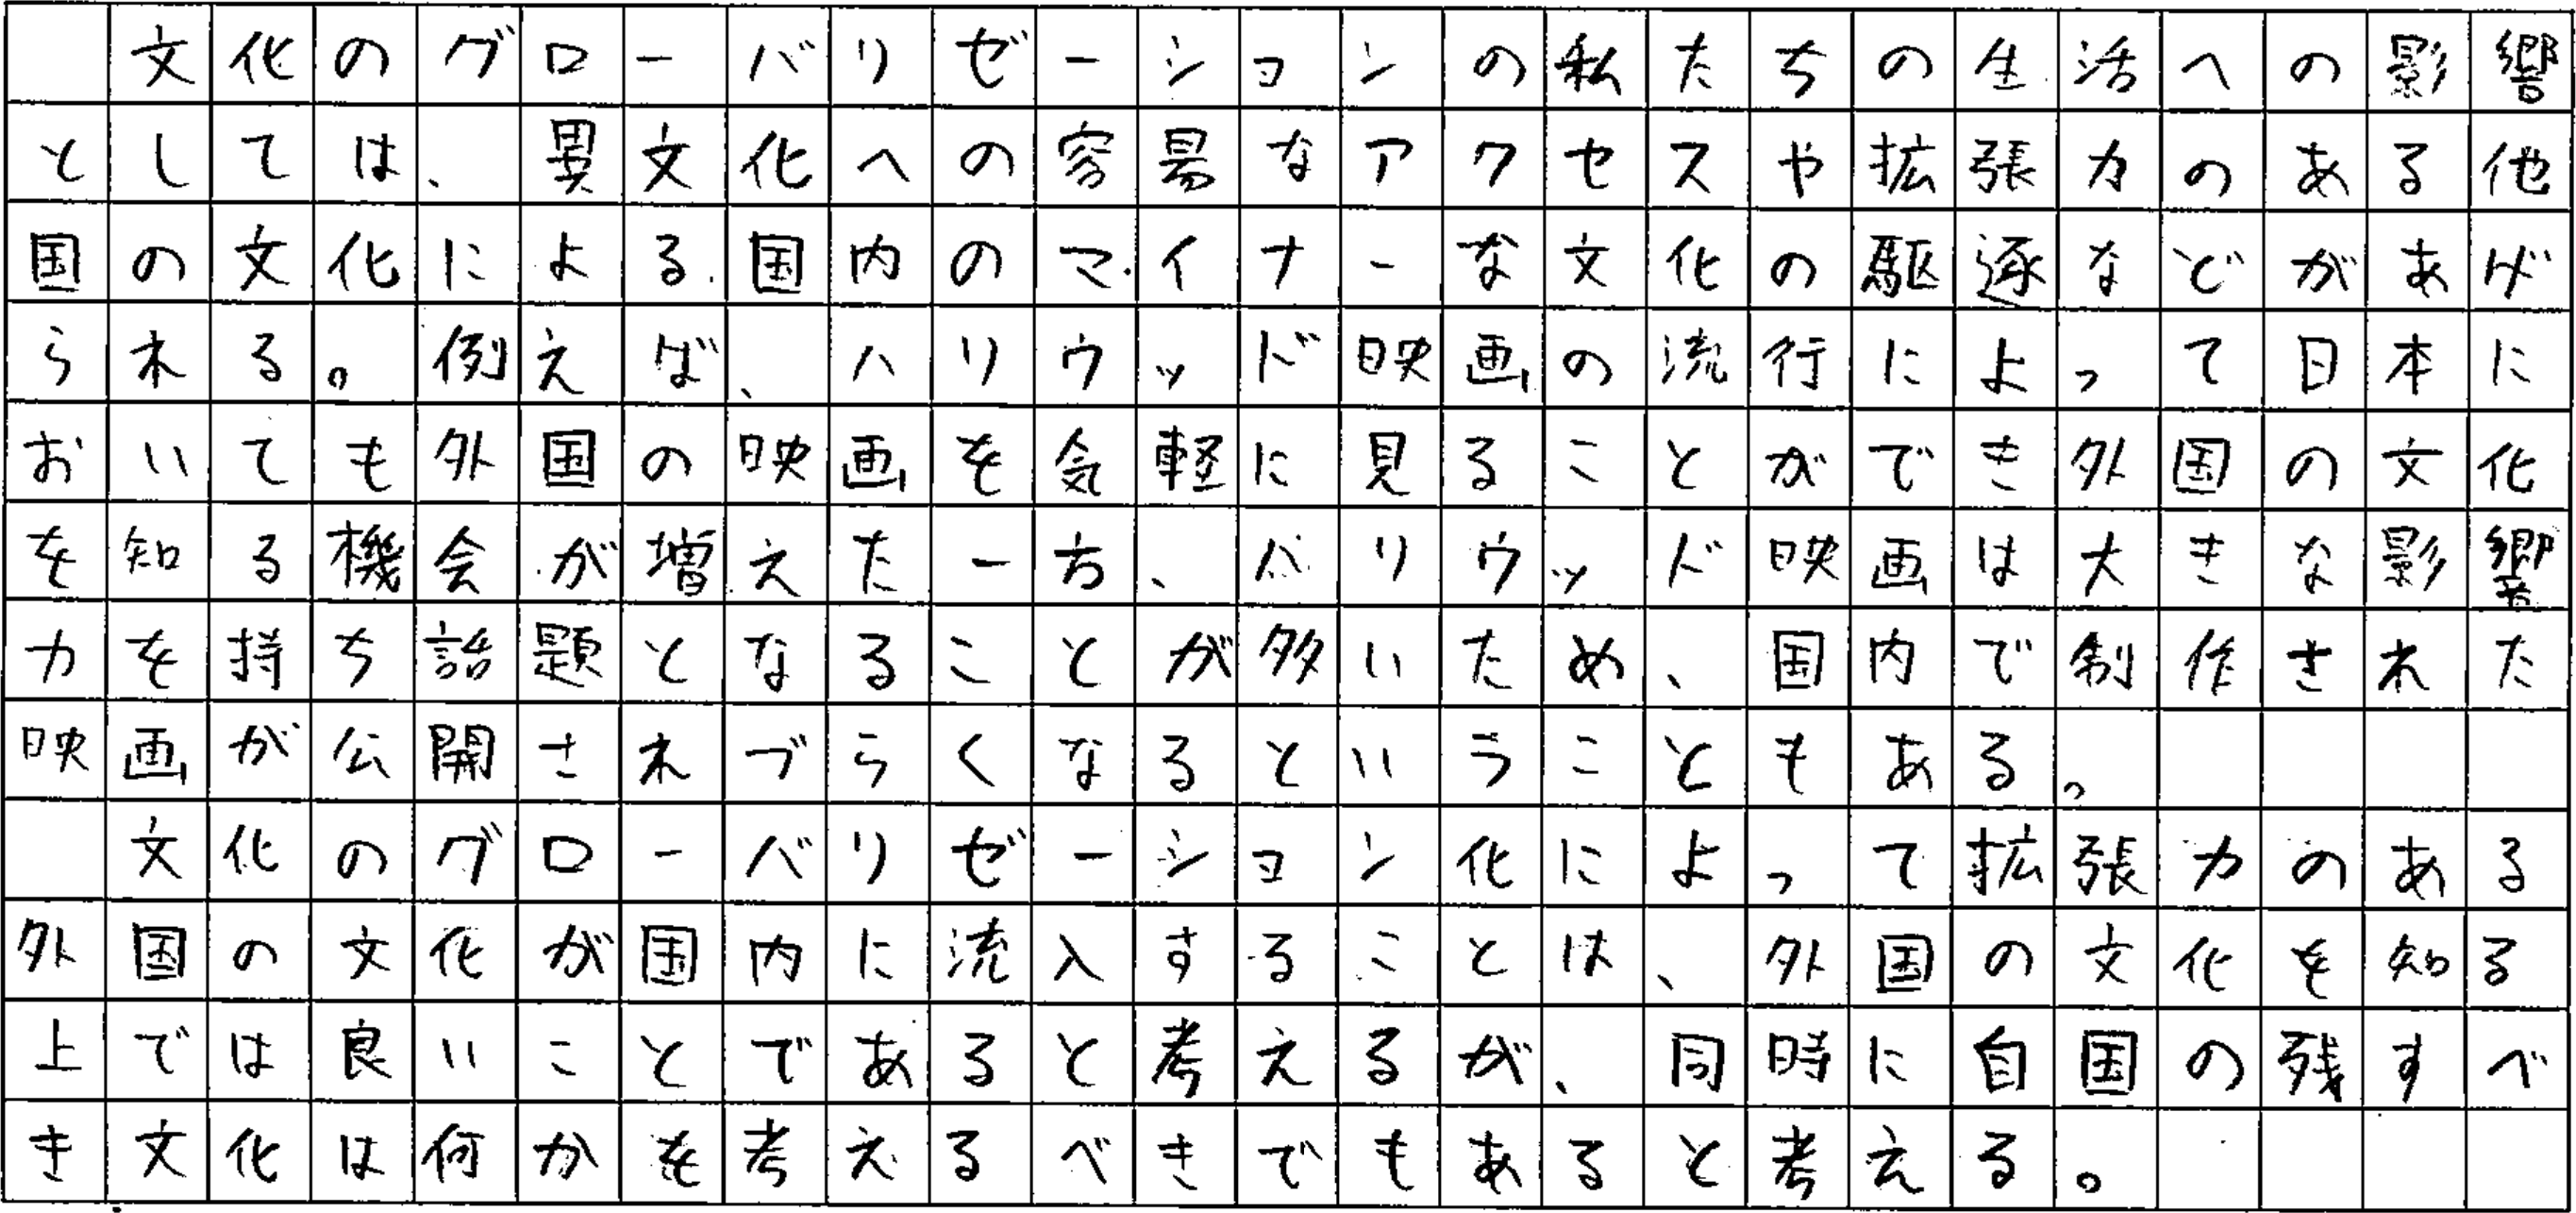　文化のグローバリゼーションの私たちの生活への影響としては、異文化への容昜なアクセスや拡張力のある他国の文化による国内のマイナーな文化の駆逐などがあげられる。例えば、ハリウッド映画の流行によって日本においても外国の映画を気軽に見ることができ外国の文化を知る機会が増えた一方、ハリウッド映画は大きな影響力を持ち話題となることが多いため、国内で制作された映画が公開されづらくなるということもある。
　文化のグローバリゼーション化によって拡張力のある外国の文化が国内に流入することは、外国の文化を知る上では良いことであると考えるが、同時に自国の残すべき文化は何かを考えるべきでもあると考える。
